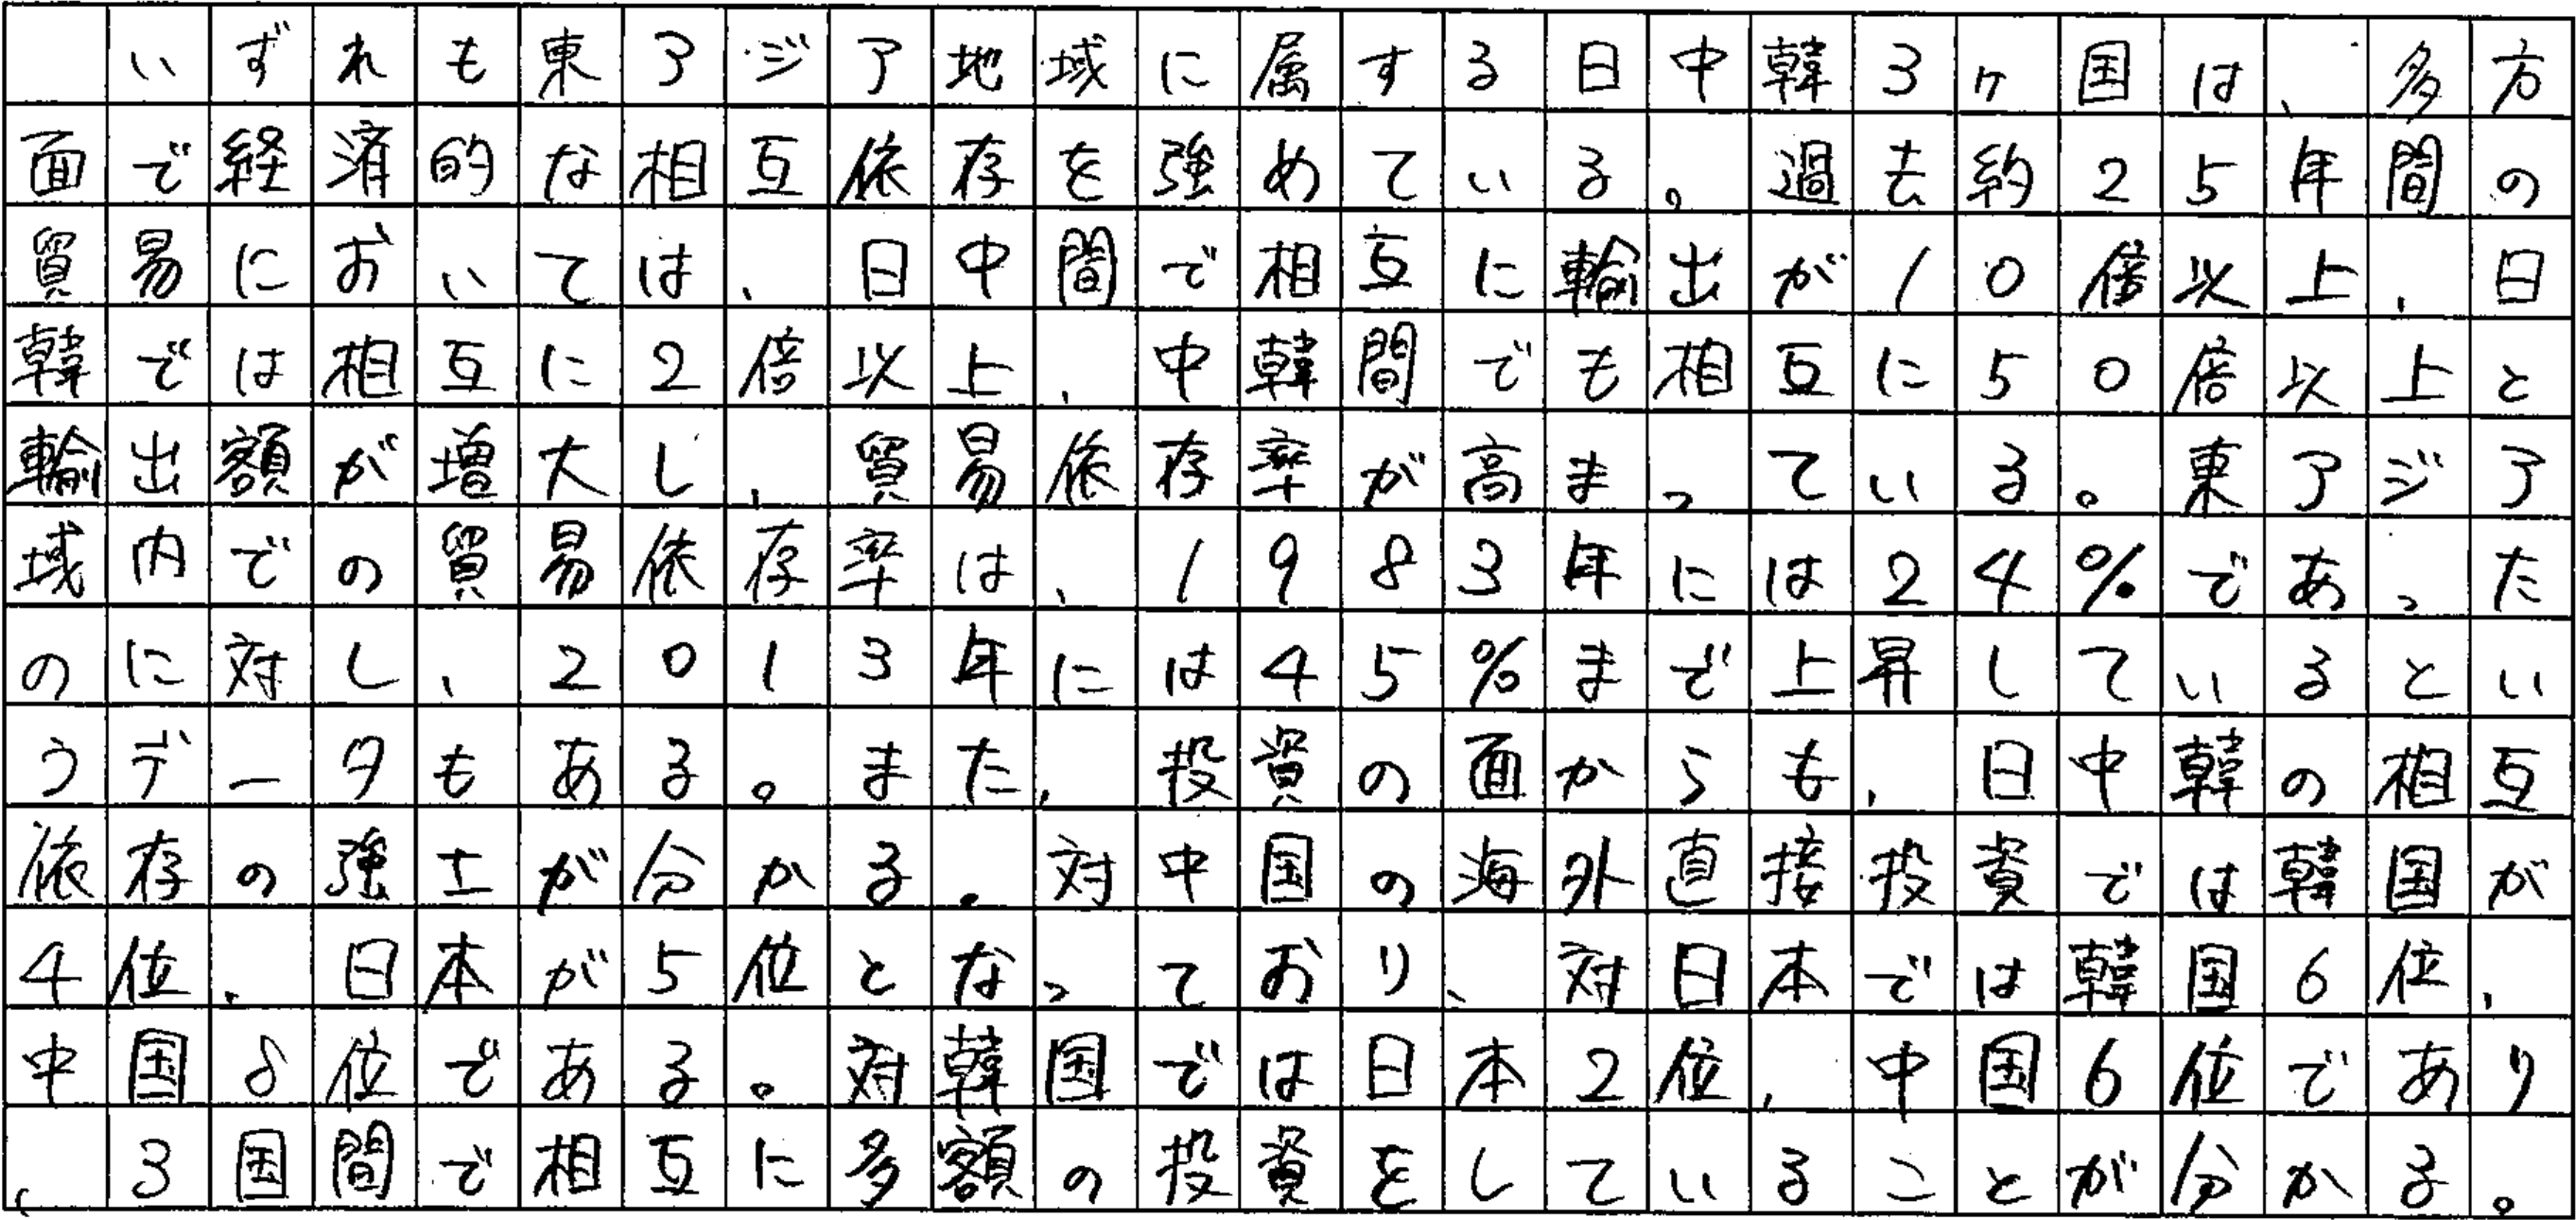　いずれも東アジア地域に属する日中韓３ヶ国は、多方面で経済的な相互依存を強めている。過去約２５年間の貿易においては、日中間で相互に輸出が１０倍以上、日韓では相互に２倍以上、中韓間でも相互に５０倍以上と輸出額が増大し、貿易依存率が高まっている。東アジア域内での貿易依存率は、１９８３年には２４％であったのに対し、２０１３年には４５％まで上昇しているというデータもある。また、投資の面からも、日中韓の相互依存の強さが分かる。対中国の海外直接投資では韓国が４位、日本が５位となっており、対日本では韓国６位，中国８位である。対韓国では日本２位、中国６位であり、３国間で相互に多額の投資をしていることが分かる。
